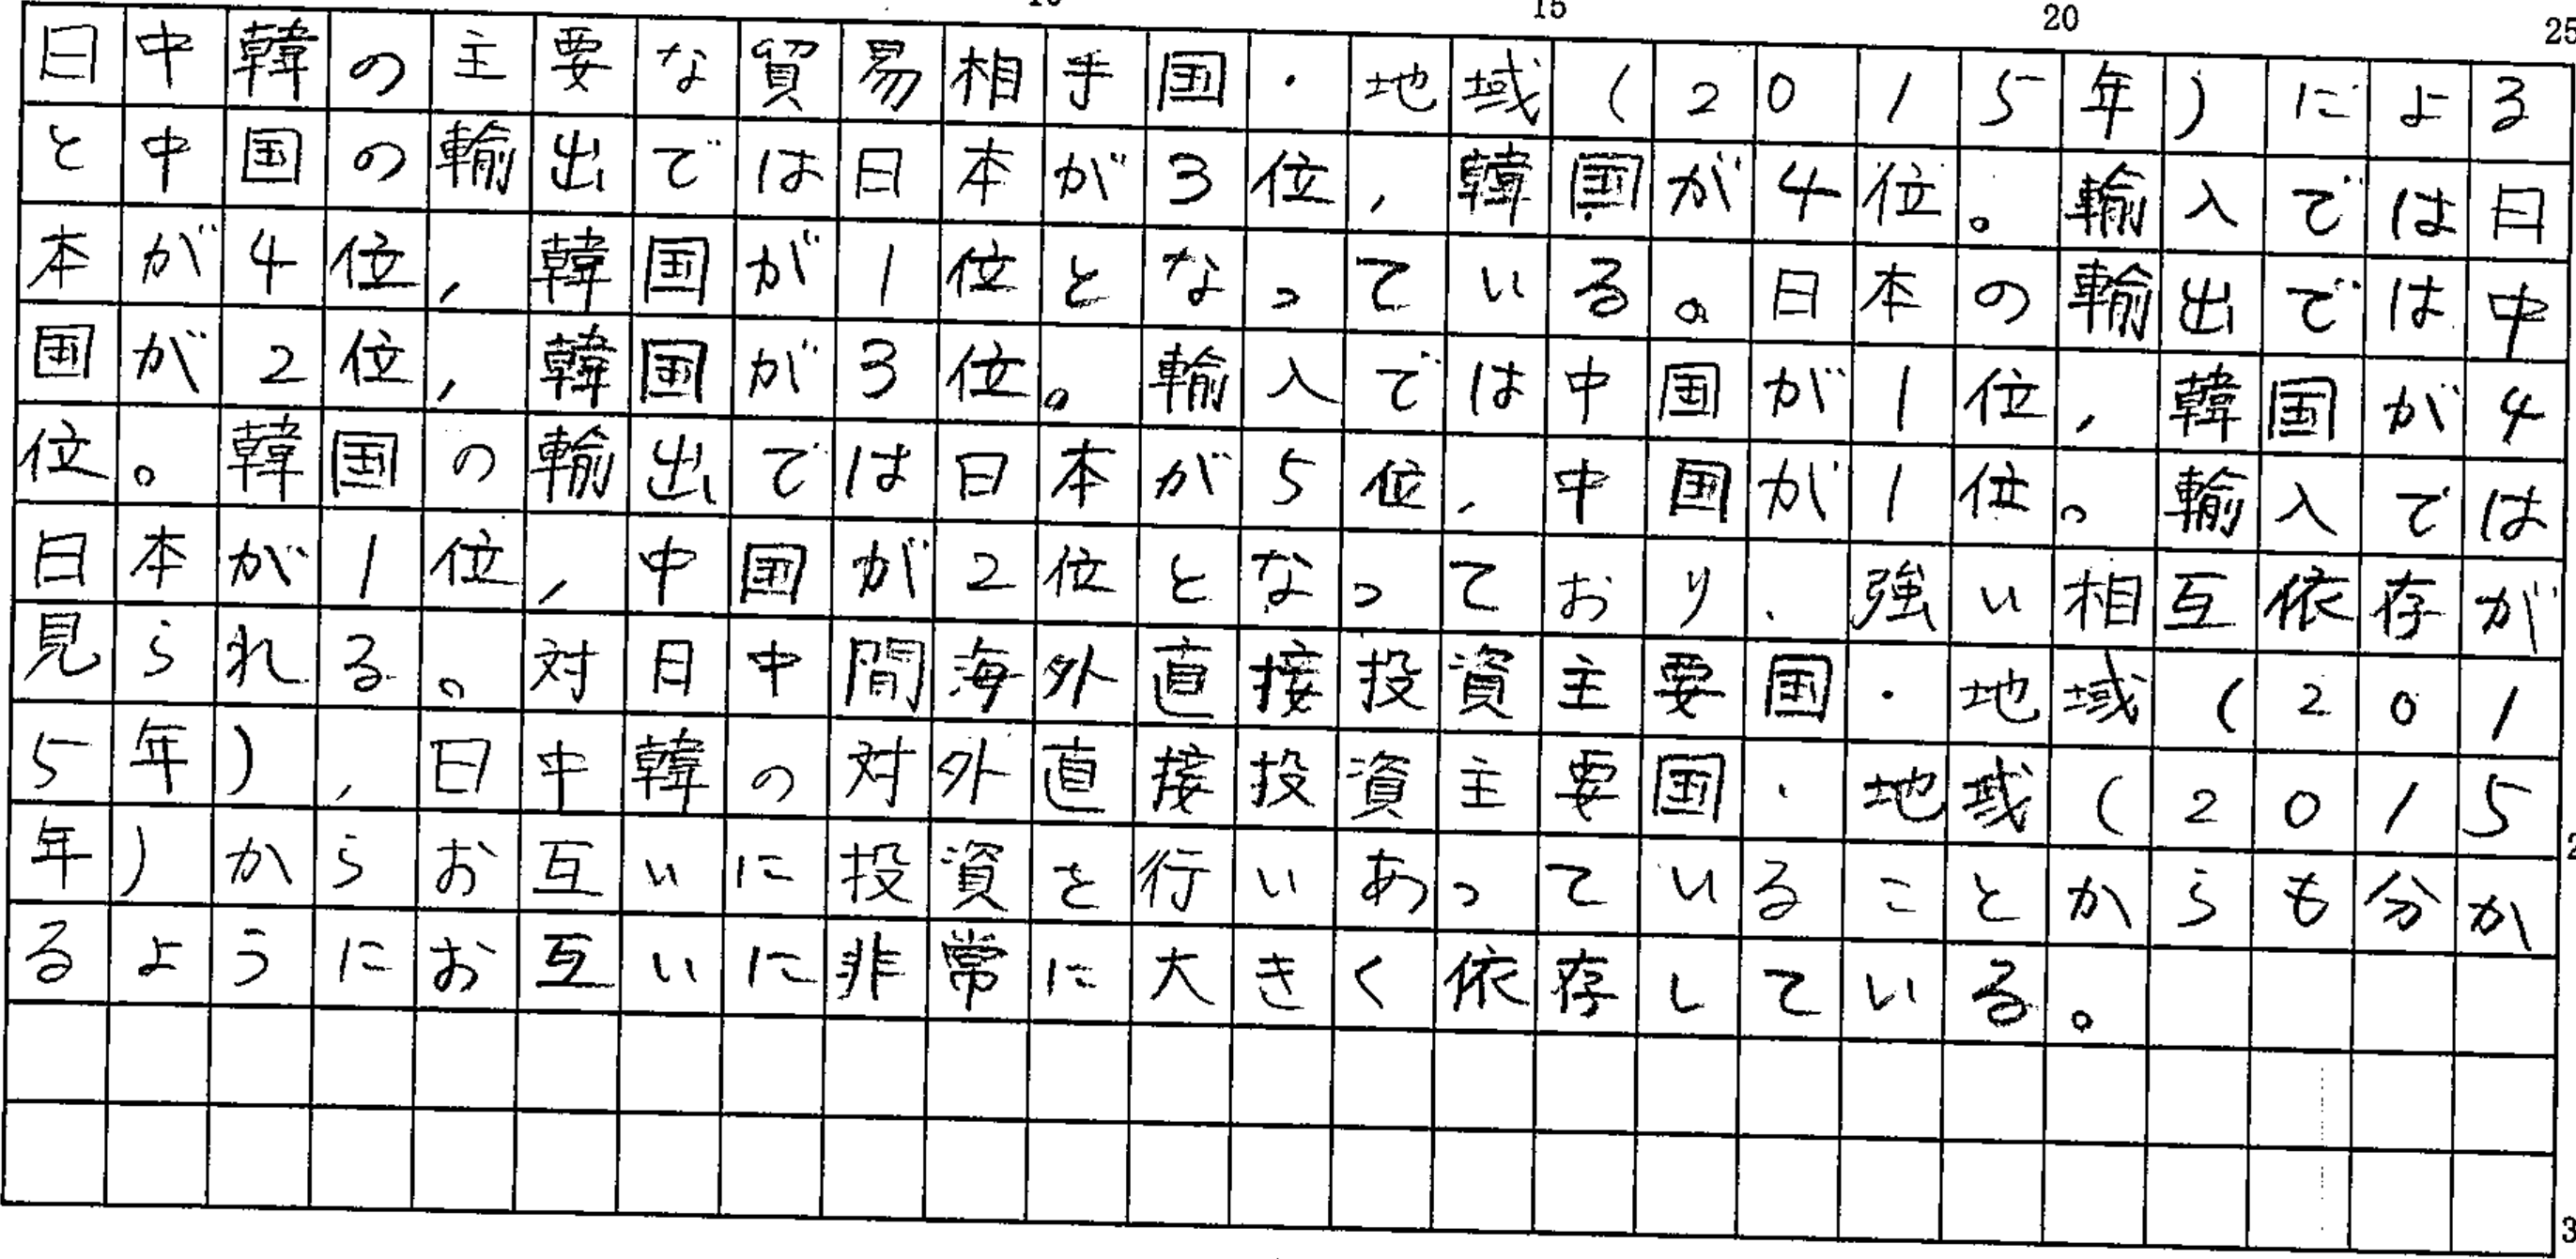日中韓の主要な貿易相手国・地域（２０１５年）によると中国の輸出では日本が３位，韓国が４位。輸入では日本が４位，韓国が１位となっている。日本の輸出では中国が２位，韓国が３位。輸入では中国が１位，韓国が４位。韓国の輸出では日本が５位，中国が１位。輸入では日本が１位，中国が２位となっており、強い相互依存が見られる。対日中間海外直接投資主要国・地域（２０１５年），日中韓の対外直接投資主要国・地域（２０１５年）からお互いに投資を行いあっていることからも分かるようにお互いに非常に大きく依存している。
